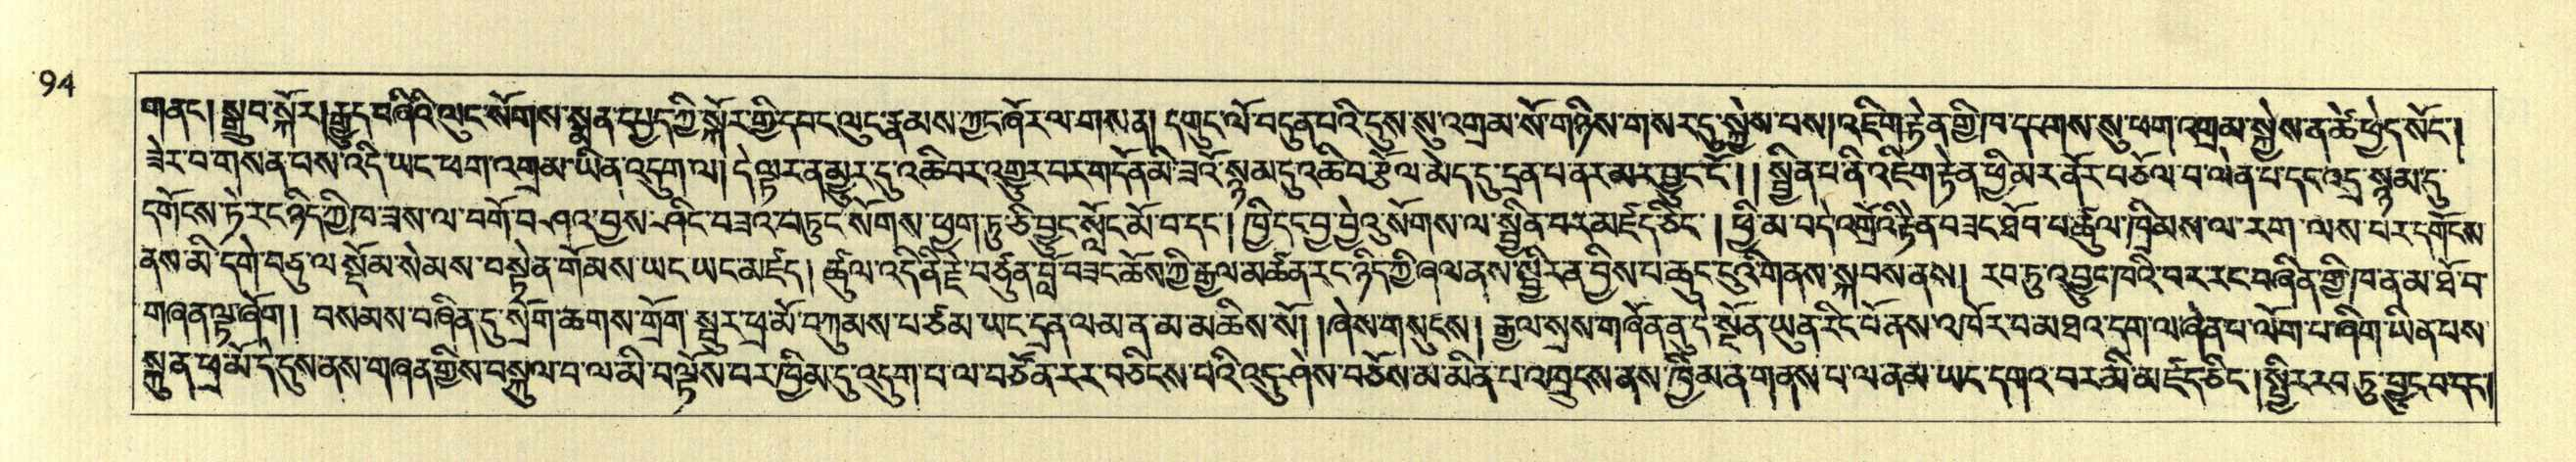གནང་། སྒྲུབ་སྐོར། རྒྱུད་བཞིའི་ལུང་སོགས་སྨན་དཔྱད་ཀྱི་སྐོར་གྱི་དབང་ལུང་རྣམས་ཀྱང་ཞོར་ལ་གསན། དགུང་ལོ་བདུན་པའི་དུས་སུ་འགྲམ་སོ་གཉིས་གསར་དུ་སྐྱེས་པས། འཇིག་རྟེན་གྱི་ཁ་དངགས་སུ་ཕག་འགྲམ་སྐྱེས་ན་ཚེ་ཕྱེད་སོང་།
ཟེར་བ་གསན་པས་འདི་ཡང་ཕག་འགྲམ་ཡིན་འདུག་ལ། དེ་ལྟར་ན་མྱུར་དུ་འཆི་བར་འགྱུར་བར་གདོན་མི་ཟའོ་སྙམ་དུ་འཆི་བ་རྩོལ་མེད་དུ་དྲན་པ་ནར་མར་བྱུང་ངོ། །སྦྱིན་པ་ནི་འཇིག་རྟེན་ཕྱི་མར་ནོར་བཅོལ་བ་ལེན་པ་དང་འདྲ་སྙམ་དུ་
དགོངས་ཏེ་རང་ཉིད་ཀྱི་ཁ་ཟས་ལ་བགོ་བཤའ་བྱས་ཤིང་བཟའ་བཏུང་སོགས་ཕྱག་ཏུ་ཅི་བྱུང་སློང་མོ་བ་དང་། ཁྱི་དང་བྱ་བྱེའུ་སོགས་ལ་སྦྱིན་བར་མཛད་ཅིང་། ཕྱི་མ་བདེ་འགྲོའི་རྟེན་བཟང་ཐོབ་པ་ཚུལ་ཁྲིམས་ལ་རག་ལས་པར་དགོངས་
ནས་མི་དགེ་བཅུ་ལ་སྡོམ་སེམས་བསྟེན་གོམས་ཡང་ཡང་མཛད། ཚུལ་འདི་ནི་རྗེ་བཙུན་བློ་བཟང་ཆོས་ཀྱི་རྒྱལ་མཚན་རང་ཉིད་ཀྱི་ཞལ་ནས་སྦྱིར་ན་བྱིས་པ་ཆུང་དུའི་གནས་སྐབས་ནས། རབ་ཏུ་འབྱུང་ཁའི་བར་རང་བཞིན་གྱི་ཁ་ན་མ་ཐོ་བ་
གཞན་ལྟ་ཞོག། བསམས་བཞིན་དུ་སྲོག་ཆགས་གྲོག་སྦུར་ཕྲ་མོ་བཀུམས་པ་ཙམ་ཡང་དྲན་ལམ་ན་མ་མཆིས་སོ། །ཞེས་གསུངས། རྒྱལ་སྲས་གཞོན་ནུ་དེ་སྔོན་ཡུན་རིང་པོ་ནས་འཁོར་བ་མཐའ་དག་ལ་ཞེན་པ་ལོག་པ་ཞིག་ཡིན་པས་
སྐུ་ན་ཕྲ་མོ་དེ་དུས་ནས་གཞན་གྱིས་བསྐུལ་བ་ལ་མི་བལྟོས་པར་ཁྱིམ་དུ་འདུག་པ་ལ་བཙོན་རར་བཅིངས་པའི་འདུ་ཤེས་བཅོས་མ་མིན་པ་འཁྲུངས་ནས་ཁྱིམ་ན་གནས་པ་ལ་ནམ་ཡང་དགའ་བར་མི་མཛད་ཅིང་། སྤྱིར་རབ་ཏུ་བྱུང་བ་དང་།